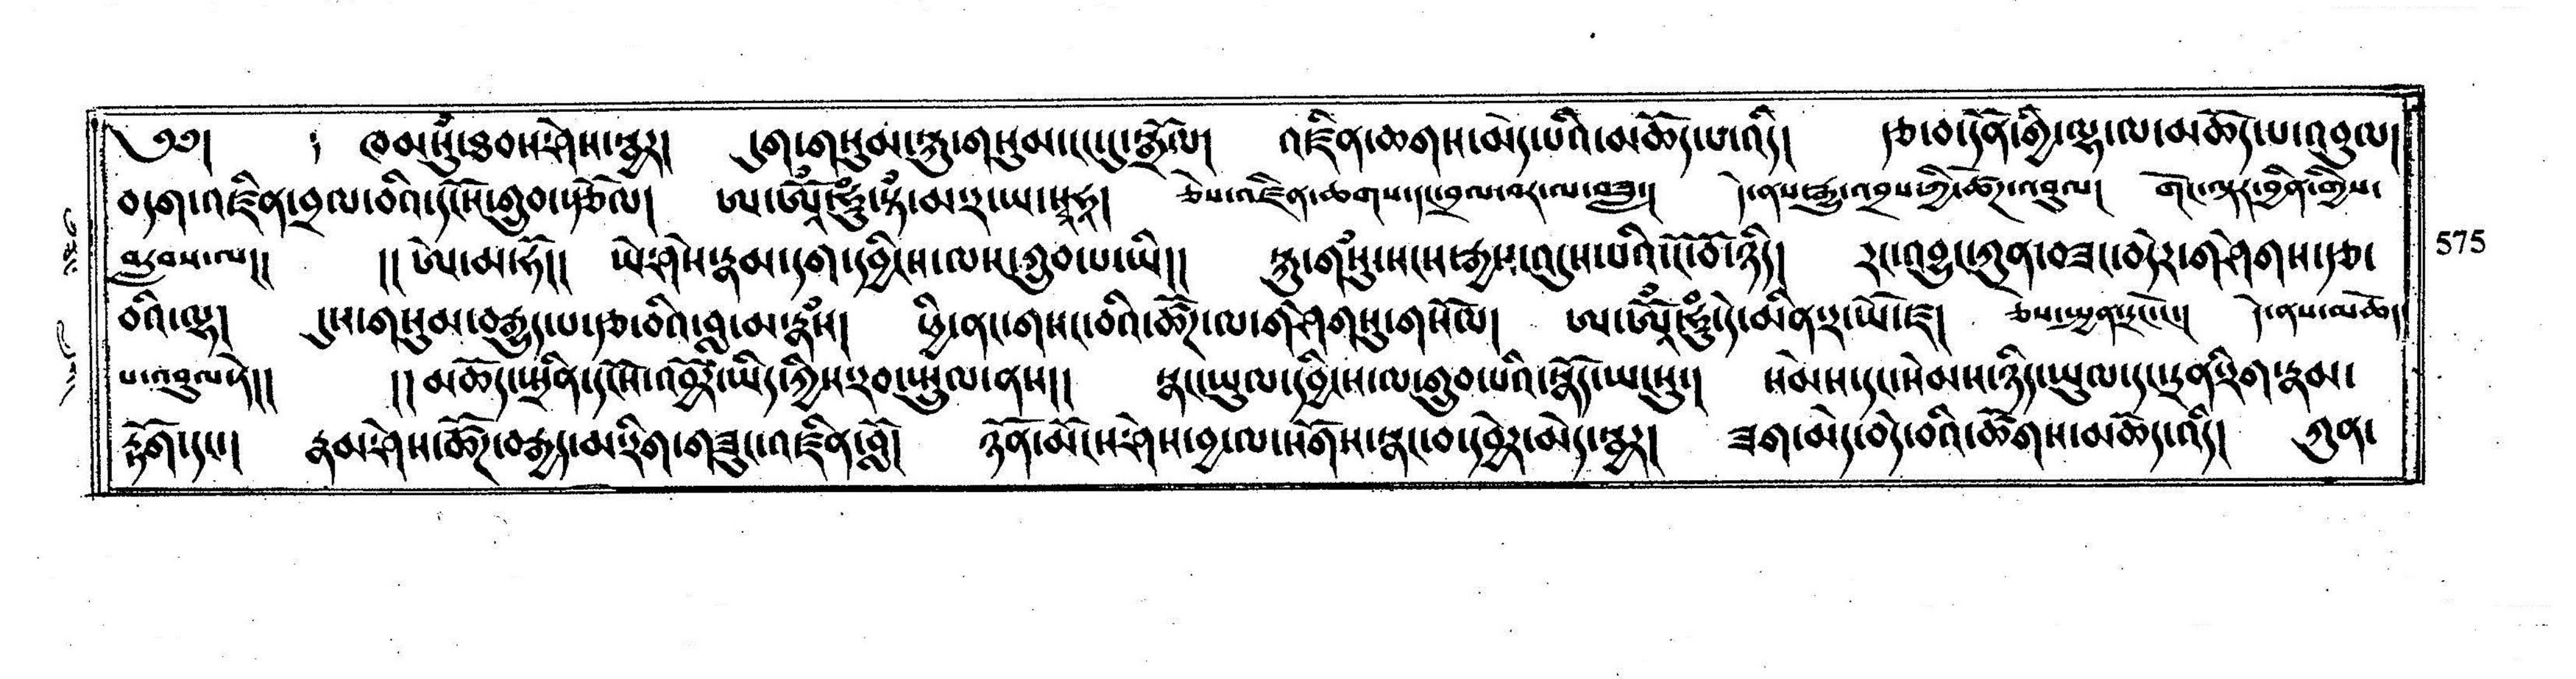ཁམས་གསུམ་ཐབས་ཤེས་སྦྱར། དུག་གསུམ་སྐུ་གསུམ་ངང་དུ་སྒྲོལ། འཛིན་ཆགས་མེད་པའི་མཆོད་པ་འདི། རྩ་བ་དོན་གྱི་ལྷ་ལ་མཆོད་པ་འབུལ། 
བདག་འཛིན་བྲལ་བའི་དངོས་གྲུབ་སྩོལ། ཨ་ཨཱོཾ་ཧཱུཾ་སྟམ་མ་ར་ཡ་སྭཱཧཱ། ཅེས་འཛིན་ཆགས་དང་བྲལ་བར་ལ་བཟླ། དེ་ནས་རྒྱུ་འབྲས་ཀྱི་ཚོགས་འབུལ། གོང་ལྟར་བྱིན་གྱིས་
བརླབས་ལ།། །།ཨེ་མ་ཧོ།། ཡེ་ཤེས་རྣམ་དག་དབྱིངས་ལས་གྲུབ་པ་ཡི།། སྐུ་གསུམ་སངས་རྒྱས་འདུས་པའི་ངོ་བོ་ཉིད། རང་འབྱུང་ཀུན་བཟང་བདེར་གཤེགས་རྩ་
བའི་ལྷ། དུས་གསུམ་བརྒྱུད་པ་རྩ་བའི་བླ་མ་རྣམས། ཕྱི་ནང་གསང་བའི་ཚོགས་ལ་གཤེགས་སུ་གསོལ། ཨ་ཨཱོཾ་ཧཱུཾ་དེ་མིན་ར་ཡོ་ཛ། ཅེས་སྤྱན་དྲང་ངོ་། དེ་ནས་མཆོད་
པ་འབུལ་ཏེ།། །།མཆོད་སྤྲིན་དངོས་འབྱོར་ཡིད་ཀྱིས་རབ་སྤྲུལ་ནས།། སྣང་ཡུལ་དབྱིངས་ལ་གྲུབ་པའི་སྣོད་ཡངས་སུ། སེམས་དང་སེམས་ཉིད་ཡུལ་དང་དྲན་རིག་རྣམ་
རྟོག་དང་། རྣམ་ཤེས་ཚོགས་བརྒྱད་མ་རིག་གཟུང་འཛིན་བློ། ཉོན་མོངས་ཤེས་བྱ་ལ་སོགས་སྣང་བ་དབྱེར་མེད་སྦྱར། ཟག་མེད་བདེ་བའི་ཚོགས་མཆོད་འདི། ཀུན་བཟང་